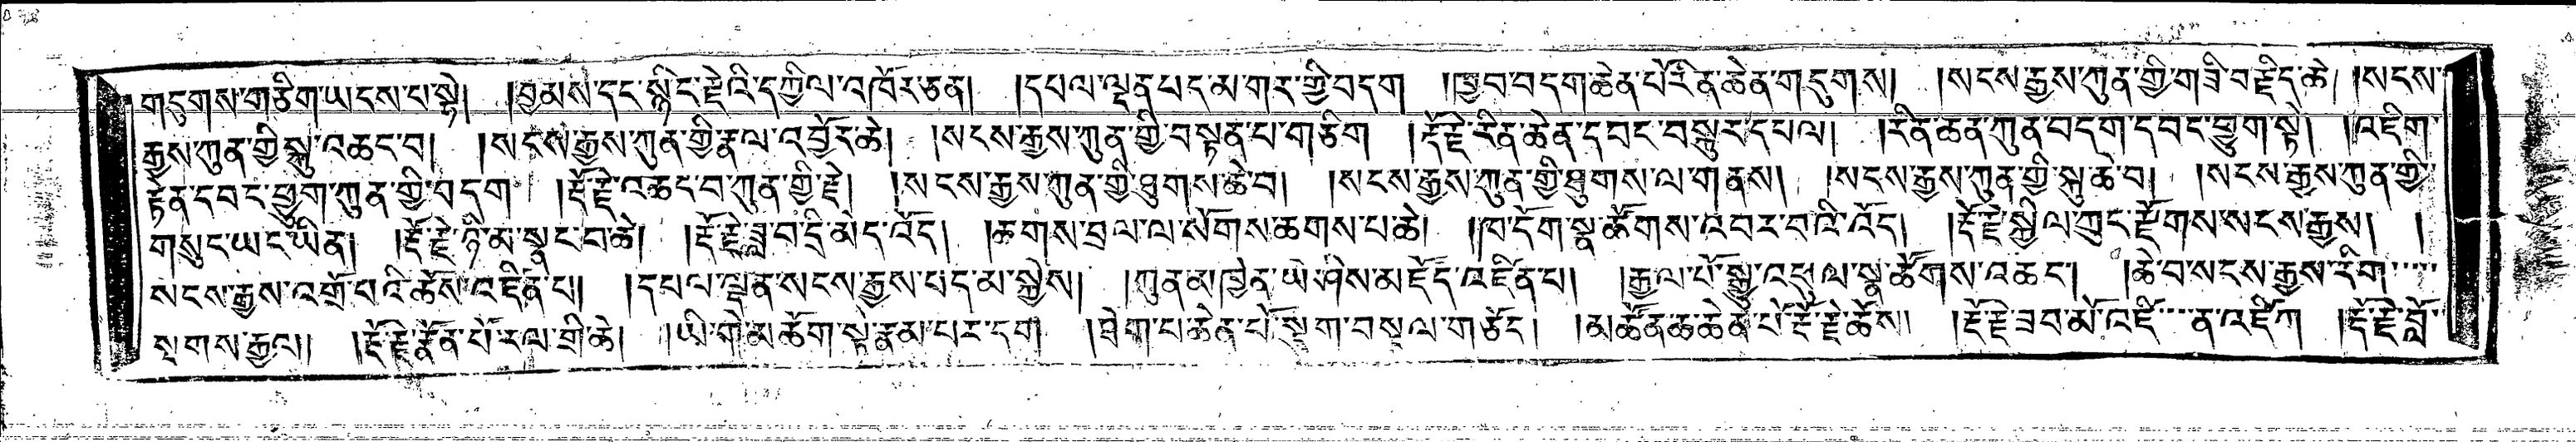གདུགས་གཅིག་ཡངས་པ་སྟེ། །བྱམས་དང་སྙིང་རྗེའི་དཀྱིལ་འཁོར་ཅན། །དཔལ་ལྡན་པད་མ་གར་གྱི་བདག །ཁྱབ་བདག་ཆེན་པོ་རིན་ཆེན་གདུགས། །སངས་རྒྱས་ཀུན་གྱི་གཟི་བརྗིད་ཆེ། །སངས་
རྒྱས་ཀུན་གྱི་སྐུ་འཆང་བ། །སངས་རྒྱས་ཀུན་གྱི་རྣལ་འབྱོར་ཆེ། །སངས་རྒྱས་ཀུན་གྱི་བསྟན་པ་གཅིག །རྡོ་རྗེ་རིན་ཆེན་དབང་བསྐུར་དཔལ། །རིན་ཆེན་ཀུན་བདག་དབང་ཕྱུག་སྟེ། །འཇིག་
རྟེན་དབང་ཕྱུག་ཀུན་གྱི་བདག །རྡོ་རྗེ་འཆང་བ་ཀུན་གྱི་རྗེ། །སངས་རྒྱས་ཀུན་གྱི་ཐུགས་ཆེ་བ། །སངས་རྒྱས་ཀུན་གྱི་ཐུགས་ལ་གནས། །སངས་རྒྱས་ཀུན་གྱི་སྐུ་ཆེ་བ། །སངས་རྒྱས་ཀུན་གྱི་
གསུང་ཡང་ཡིན། །རྡོ་རྗེ་ཉི་མ་སྣང་བ་ཆེ། །རྡོ་རྗེ་ཟླ་བ་དྲི་མེད་འོད། །ཆགས་བྲལ་ལ་སོགས་ཆགས་པ་ཆེ། །ཁ་དོག་སྣ་ཚོགས་འབར་བའི་འོད། །རྡོ་རྗེ་སྐྱིལ་ཀྲུང་རྫོགས་སངས་རྒྱས། །
སངས་རྒྱས་འགྲོ་བའི་ཆོས་འཛིན་པ། །དཔལ་ལྡན་སངས་རྒྱས་པད་མ་སྐྱེས། །ཀུན་མཁྱེན་ཡེ་ཤེས་མཛོད་འཛིན་པ། །རྒྱལ་པོ་སྒྱུ་འཕུལ་སྣ་ཚོགས་འཆང་། །ཆེ་བ་སངས་རྒྱས་རིག་
སྔགས་རྒྱལ། །རྡོ་རྗེ་རྣོན་པོ་རལ་གྲི་ཆེ། །ཡི་གེ་མཆོག་སྟེ་རྣམ་པར་དག །ཐེག་པ་ཆེན་པོ་སྡུག་བསྔལ་གཅོད། །མཚོན་ཆ་ཆེན་པོ་རྡོ་རྗེ་ཆོས། །རྡོ་རྗེ་ཟབ་མོ་འཛི་ན་འཛིག །རྡོ་རྗེ་བློ་